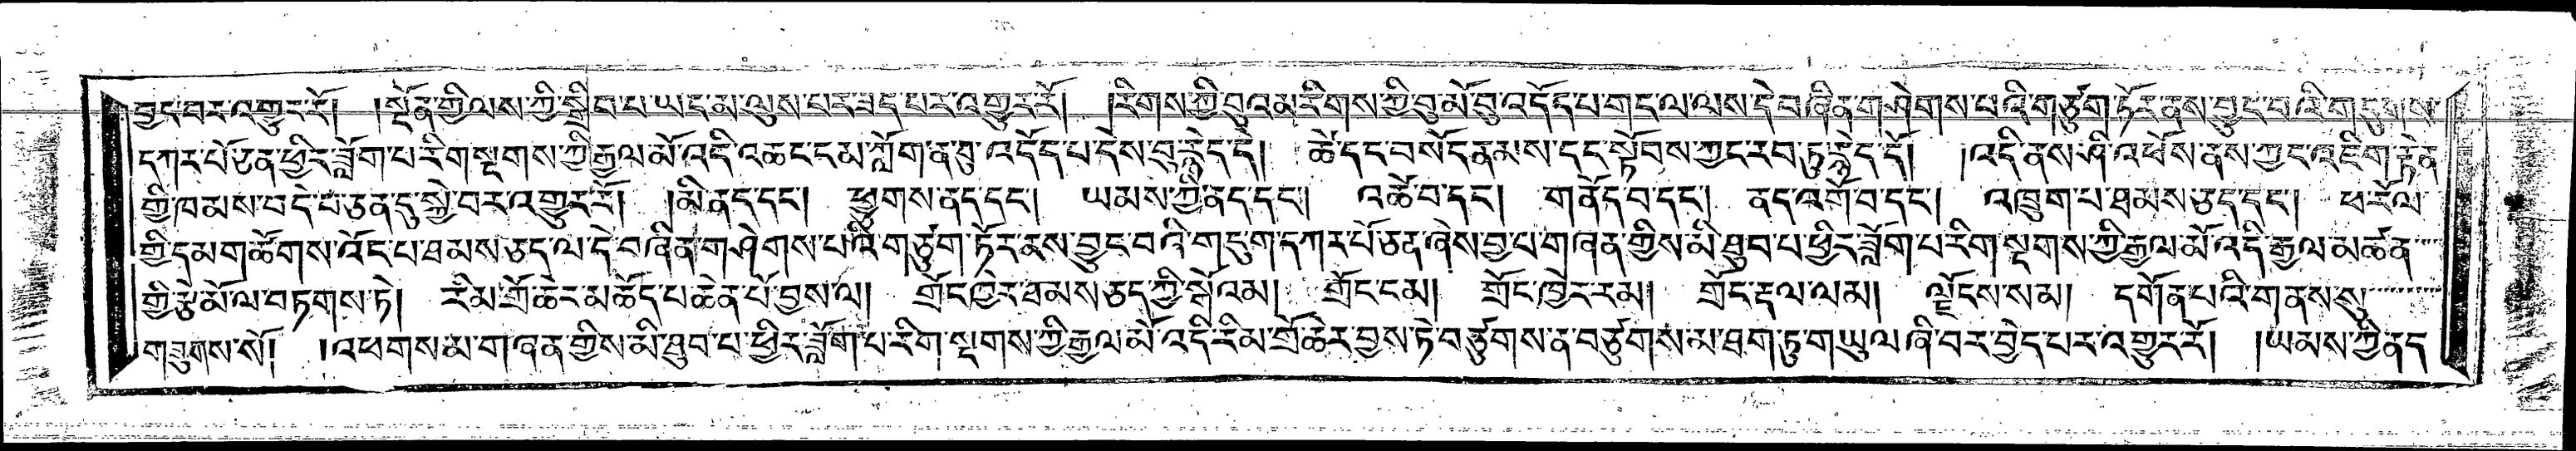བྱང་བར་འགྱུར་རོ། །སྔོན་གྱི་ལས་ཀྱི་སྒྲིབ་པ་ཡང་མ་ལུས་པར་ཟད་པར་འགྱུར་རོ། །རིགས་ཀྱི་བུའམ་རིགས་ཀྱི་བུ་མོ་བུ་འདོད་པ་གང་ལ་ལས་དེ་བཞིན་གཤེགས་པའི་གཙུག་ཏོར་ནས་བྱུང་བའི་གདུགས་
དཀར་པོ་ཅན་ཕྱིར་ཟློག་པ་རིག་སྔགས་ཀྱི་རྒྱལ་མོ་འདི་འཆང་ངམ་ཀློག་ན་བུ་འདོད་པ་དེས་བུ་རྙེད་དེ། ཚེ་དང་བསོད་ནམས་དང་སྟོབས་ཀྱང་རབ་ཏུ་རྙེད་དོ། །འདི་ནས་ཤི་འཕོས་ནས་ཀྱང་འཇིག་རྟེན་
གྱི་ཁམས་བདེ་པ་ཅན་དུ་སྐྱེ་བར་འགྱུར་རོ། །མི་ནད་དང་། ཕྱུགས་ནད་དང་། ཡམས་ཀྱི་ནད་དང་། འཚེ་བ་དང་། གནོད་བ་དང་། ནད་འགོ་བ་དང་། འཁྲུག་པ་ཐམས་ཅད་དང་། ཕ་རོལ་
གྱི་དམག་ཚོགས་འོང་པ་ཐམས་ཅད་ལ་དེ་བཞིན་གཤེགས་པའི་གཙུག་ཏོར་ནས་བྱུང་བའི་གདུ་ག་དཀར་པོ་ཅན་ཞེས་བྱ་བ་གཞན་གྱིས་མི་ཐུབ་པ་ཕྱིར་ཟློག་པ་རིག་སྔགས་ཀྱི་རྒྱལ་མི་འདི་རྒྱལ་མཚན་
གྱི་རྩེ་མོ་ལ་བཏགས་ཏེ། རིམ་གྲོ་ཆེར་མཆོད་པ་ཆེན་པོ་བྱས་ལ། གྲོང་ཁྱེར་ཐམས་ཅད་ཀྱི་སྒོ་འམ། གྲོང་ངམ། གྲོང་ཁྱེར་རམ། གྲོང་རྡལ་ལམ། ལྗོངས་སམ། དགོན་པའི་གནས་སུ་
གཟུགས་སོ། །འཕགས་མ་གཞན་གྱིས་མི་ཐུབ་པ་ཕྱིར་ཟློག་པ་རིག་སྔགས་ཀྱི་རྒྱལ་མི་འདི་རིམ་གྲོ་ཆེར་བྱས་ཏེ་བཙུགས་ན་བཙུགས་མ་ཐག་ཏུ་གཡུལ་ཞི་བར་བྱེད་པར་འགྱུར་རོ། །ཡམས་ཀྱི་ནད་